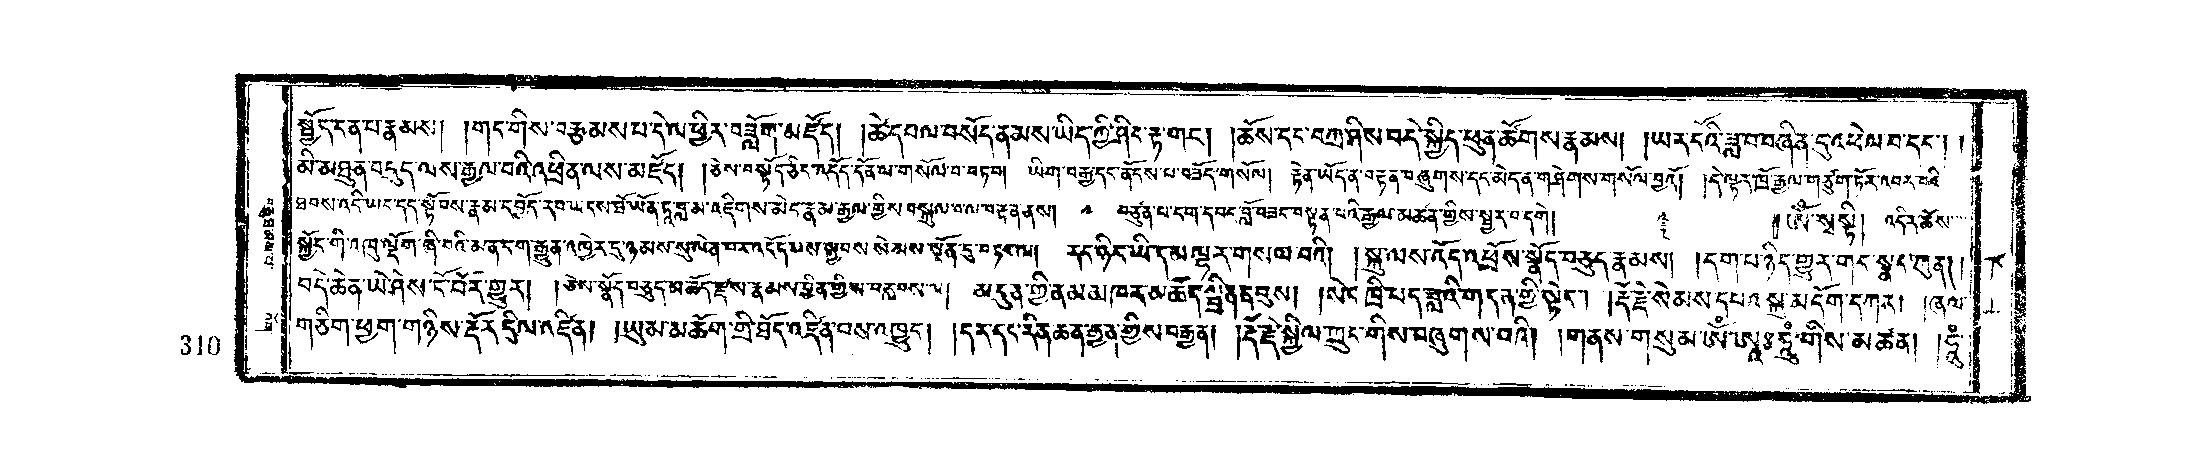སྦྱོང་ངན་པ་རྣམས། །གང་གིས་བརྩམས་པ་དེ་ལ་ཕྱིར་བཟློག་མཛོད། །ཚེ་དཔལ་བསོད་ནམས་ཡིད་ཀྱི་ཤིང་རྟ་གང་། །ཆོས་དང་བཀྲ་ཤིས་བདེ་སྐྱིད་ཕུན་ཚོགས་རྣམས། །ཡར་ངོའི་ཟླ་བ་བཞིན་དུ་འཕེལ་བ་དང་། །
མི་མཐུན་བདུད་ལས་རྒྱལ་བའི་འཕྲིན་ལས་མཛོད། །ཅེས་བསྟོད་ཅིང་འདོད་དོན་ལ་གསོལ་བ་བཏབ། །ཡིག་བརྒྱ་དང་ནོངས་པ་བཟོད་གསོལ། རྟེན་ཡོད་ན་བརྟན་བཞུགས་དང་མེད་ན་གཤེགས་གསོལ་བྱའོ། །དེ་ལྟར་ཁྲོ་རྒྱལ་གཙུག་ཏོར་འབར་བའི་
ཐབས་འདི་ཡང་དད་སྟོབས་རྣམ་དཔྱོད་རབ་ཡངས་ཐོ་ཡོན་ཏཱ་བླ་མ་འཇིགས་མེད་རྣམ་རྒྱལ་གྱིས་བསྐུལ་བ་ལ་བརྟན་ནས། བཙུན་པ་ངག་དབང་བློ་བཟང་བསྟན་པའི་རྒྱལ་མཚན་གྱིས་སྦྱར་བ་དགེ། ༈ །།ཨོཾ་སྭ་སྟི། འདིར་ཆོས་
སྐྱོང་གི་འཁུ་ལྡོག་ཞི་བའི་མན་ངག་རྒྱུན་འཁྱེར་དུ་ཉམས་སུ་ལེན་པར་འདོད་པས་སྐྱབས་སེམས་སྔོན་དུ་བཏང་ལ། རང་ཉིད་ཡི་དམ་ལྷར་གསལ་བའི། །སྐུ་ལས་འོད་འཕྲོས་སྣོད་བཅུད་རྣམས། །དག་པ་ཉིད་གྱུར་གང་སྣང་ཀུན། །
བདེ་ཆེན་ཡེ་ཤེས་ངོ་བོར་གྱུར། །ཅེས་སྣོད་བཅུད་མཆོད་རྫས་རྣམས་བྱིན་གྱིས་བརླབས་ལ། མདུན་གྱི་ནམ་མཁར་མཆོད་སྤྲིན་དབུས། །སེང་ཁྲི་པད་ཟླའི་གདན་གྱི་སྟེང་། །རྡོ་རྗེ་སེམས་དཔའ་སྐུ་མདོག་དཀར། །ཞལ་
གཅིག་ཕྱག་གཉིས་རྡོར་དྲིལ་འཛིན། །ཡུམ་མཆོག་གྲི་ཐོད་འཛིན་པས་འཁྱུང་། །དར་དང་རིན་ཆེན་རྒྱན་གྱིས་བརྒྱན། །རྡོ་རྗེ་སྐྱིལ་ཀྲུང་གིས་བཞུགས་པའི། །གནས་གསུམ་ཨོཾ་ཨཱཿ ཧཱུཾ་གིས་མཚན། །ཧཱུཾ་